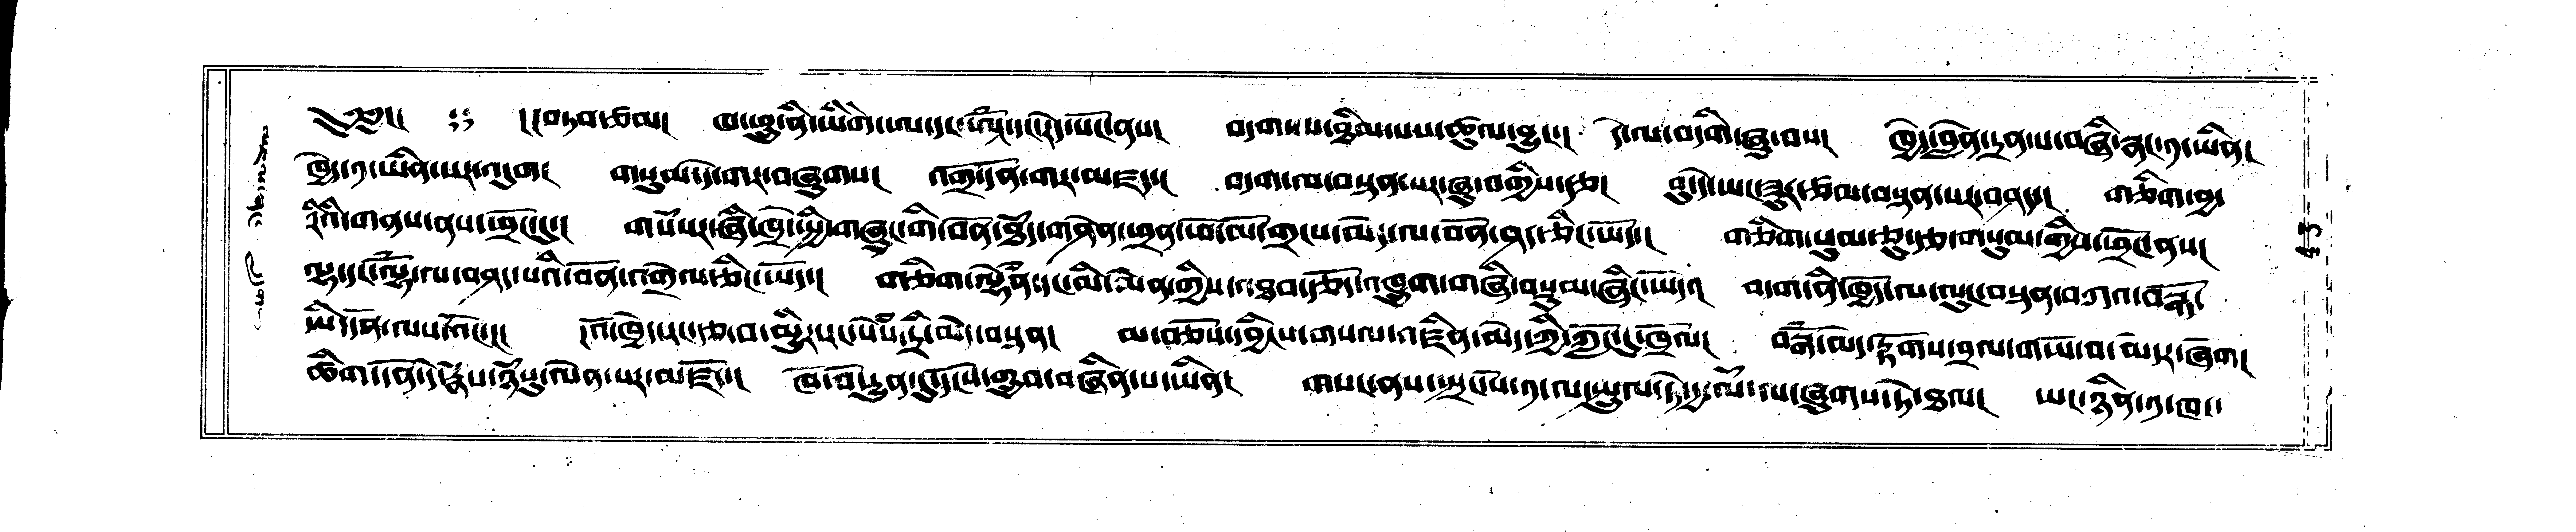བཏབ་ཙམ། ཁ་ཕྲུ་ནི་ཡི་གེ་ཨ་དང་ཨཱོཾ་དང་རེད་སོང་ནས། བདག་ལ་ཐིམ་པས་ཚུལ་བྱུང་། དེ་ལ་བདག་གི་ཞུ་བས། ཁྱེད་བླ་ཆེན་དྲན་པ་བཞི་སྣང་གཅིག་ཡིན། 
ཁྱེད་གཅིག་ཡིན་པར་འདུག གསུམ་དེ་གར་བཞུགས། འགྲོ་དོན་གར་མཛད། བདག་ལ་བསྟན་པར་ཞུ་བགྱིས་ཙ། བུ་དེ་ཡང་ཟུར་ཙམ་བསྟན་པར་བཤད། གཅིག་བྱ་
རིའི་གནས་ནས་ཕོ་བྲང་དུ། གསས་མཁར་ཞི་ཁྲོ་སྤྱི་གཞུང་གི་བོན་ཐམས་ཅད་གཤེན་ཕྲན་ཕོ་མོ་གྲངས་མེད་ལ་བོན་བཤད་ཅིང་ཡོད། གཅིག་སུམ་ཅུ་རྩ་གསུམ་གྱི་ཕོ་བྲང་ནས། 
ལྷ་དང་ལྷ་མོ་ལ་བཤད་པའི་བོན་འགྲེལ་ཅིང་ཡོད། གཅིག་ལྷ་ཆེན་དང་མི་མེན་གྱིས་འཐབ་རྩོད་འཁྲུག་གཞི་བསྡུམ་ཞིང་ཡོད། བདག་ནི་ཁྱོད་ལ་ལུང་བསྟན་བཀའ་བསྒོ་
ཡི་དོན་ལས་འོང་། །འོ་ཁྱེད་རང་རྩ་བ་མི་འགྱུར་རང་སེམས་དྲི་མེད་བསྟན། མ་བཅོས་དབྱིངས་གསལ་འཛིན་མེད་ཀྱི་ཀློང་དུ་ཁྲོལ། བསྒོམ་མེད་རྟོགས་བྲལ་གཡོ་བ་མེད་པར་ཞོག 
ཚིག་དོན་དེ་རྣམས་ཉམས་སུ་ལེན་པར་མཛོད། ཁོ་བོ་རྒྱུན་དུ་དངོས་གྲུབ་བཞིན་པ་ཡིན། གསང་ནས་སྤྲང་པོ་གཅིག་ལ་སྤྲུལ་ཏེ་རྒྱ་ལམ་ལ་ཞུགས་ཏེ་ཐལ། ཡང་ཉིན་གཅིག་ཁང་